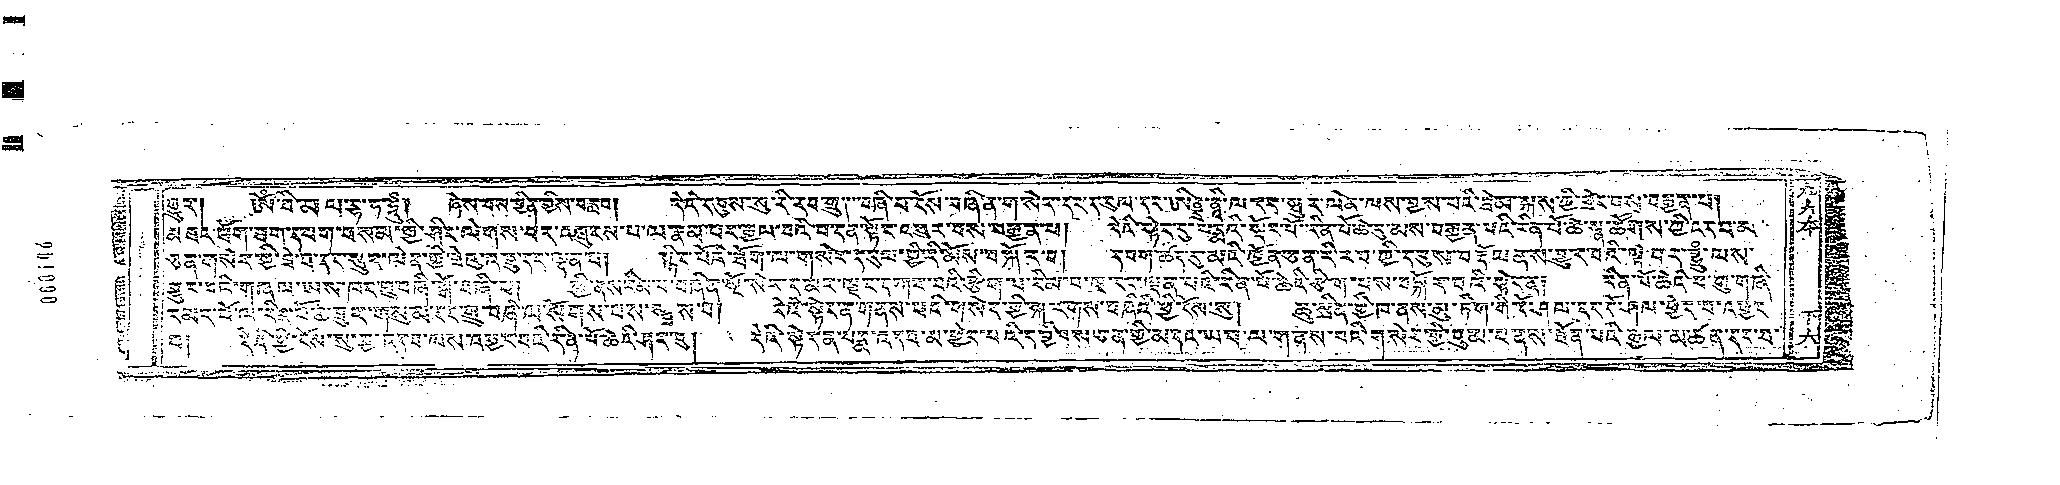གྱུར། ཨོཾ་བི་མ་ལ་དྷ་ཧ་ཧཱུཾ། ཞེས་པས་བྱིན་གྱིས་བརླབ། དེའི་དབུས་སུ་རི་རབ་གྲུ་བཞི་པ་ངོས་བཞིན་གསེར་དང་དངུལ་དང་ཨིནྡྲ་ནི་ལ་དང་སྦུར་ལེན་ལས་བྱས་པའི་ཐེམ་སྐས་ཀྱི་ཕྲེད་བས་བརྒྱན་པ།
མཐའ་ཐོག་ཐག་དཔག་བསམ་གྱི་ཤིང་ལེགས་པར་འཁྲུངས་པ་ལ་རྣམ་པར་རྒྱལ་བའི་བ་དན་སྟོད་འཕུར་བས་བརྒྱན་པ། དེའི་སྟེང་དུ་པདམེའི་སྡོང་པོ་རིན་པོ་ཆེ་དུ་མས་བརྒྱན་པའི་རིན་པོ་ཆེ་སྣ་ཚོགས་ཀྱི་འདབ་མ་
ཅན་གསེར་གྱི་ཟེབ་དང་སྤུར་ལེན་གྱི་བྲེའུ་འབྲུ་དང་ལྡན་པ། སྙིང་པོའི་ཐོག་ལ་གསེར་དངུལ་གྱི་རི་མོས་བསྐོར་བ། དཔག་ཚད་དུ་མའི་ཁྱོན་ཅན་རི་རབ་ཀྱི་དབུས་བརྡོལ་ནས་བྱུང་བའི་ལྟེ་བར་བྷྲུཾ་ལས་
བྱུང་བའི་གཞལ་ཡས་ཁང་གྲུ་བཞི་སྒོ་བཞི་པ། ཕྱི་ནས་རིམ་པ་བཞིན་སྔོ་སེར་དམར་ལྗང་དཀར་བའི་རྩིག་པ་རིམ་པ་ལྔ་དང་ལྡན་པའི་རིན་པོ་ཆེའི་རྩིག་པས་བསྐོར་བའི་སྟེང་ན། རིན་པོ་ཆེའི་ཕ་གུ་གཞི་
དམར་པོ་ལ་རིན་པོ་ཆེ་ཟུར་གསུམ་དང་གྲུ་བཞི་ལ་སོགས་པས་སྤས་པ། དེའི་སྟེང་ན་གནས་པའི་གསེར་གྱི་སྐ་རགས་བཞིའི་ཕྱི་ངོས་སུ། ཆུ་སྲིན་གྱི་ལ་ནས་མུ་ཏིག་གི་ངོ་ཤལ་དང་ངོ་ཤལ་ཕྱེད་བ་འཕྱང་
བ། དེའི་ཕྱི་ངོས་སུ་བྱ་འདབ་ལས་འཕྱད་པའི་རིན་པོ་ཆེའི་ཤར་བུ། དེའི་སྟེང་ན་པདམ་འདབ་མ་ཕྱེད་པའི་དབྱིབས་ཅན་གྱི་མདའ་ཡབ་ལ་གནས་པའི་གསེར་གྱི་བུམ་པ་ནས་ཐོན་པའི་རྒྱལ་མཚན་དང་བ་